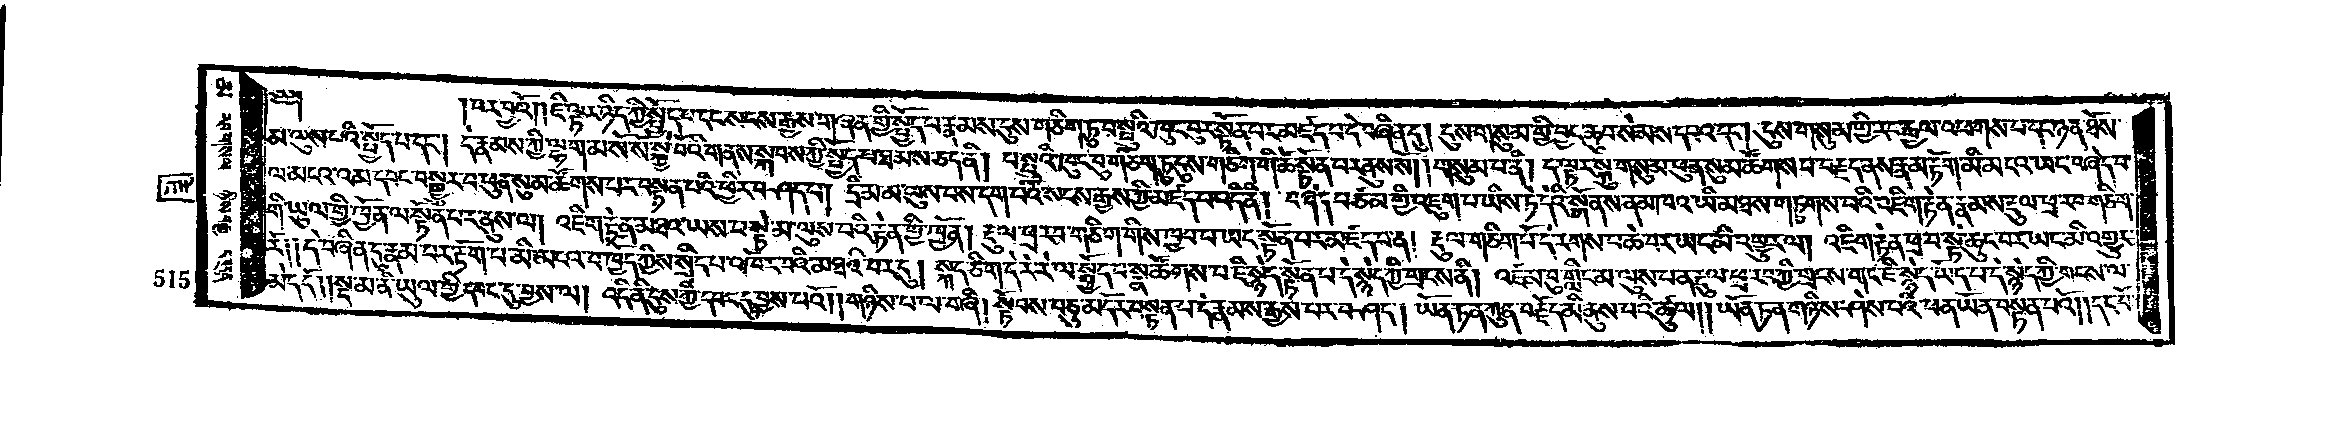༄༅། །བར་བྱའོ། །ཇི་ལྟར་ཉིད་ཀྱི་སྤྱོད་པ་དང་སངས་རྒྱས་གཞན་གྱི་སྤྱོད་པ་རྣམས་དུས་གཅིག་ཏུ་བ་སྤུའི་ཁུང་བུར་སྟོན་པར་མཛད་པ་དེ་བཞིན་དུ། དུས་གསུམ་གྱི་བྱང་ཆུབ་སེམས་དཔའ་དང་། དུས་གསུམ་གྱི་རང་རྒྱལ་འཕགས་པ་དང་ཉན་ཐོས་
མ་ལུས་པའི་སྤྱོད་པ་དང་། དེ་རྣམས་ཀྱི་ལྷག་མ་སོ་སོ་སྐྱེ་བོའི་གནས་སྐབས་ཀྱི་སྤྱོད་པ་ཐམས་ཅད་ནི། པ་སྤུའི་ཁུང་བུ་གཅིག་ཏུ་དུས་གཅིག་གི་ཚེ་སྟོན་པར་ནུས་སོ། །གསུམ་པ་ནི། དེ་ལྟར་སྐུ་གསུམ་ཕུན་སུམ་ཚོགས་པ་བརྗོད་ནས་རྣམ་རྟོག་མི་མངའ་ཡང་བཞེད་པ་
ལ་མངའ་འམ་དབང་བསྒྱུར་བ་ཕུན་སུམ་ཚོགས་པར་བསྟན་པའི་ཕྱིར་བཤད་པ། དྲི་མ་མ་ལུས་པས་དག་པའི་སངས་རྒྱས་ཀྱི་མཛད་པ་འདི་ནི། བཞེད་པ་ཙམ་གྱི་འཇུག་པ་ཡིས་ཏེ་དེའི་སྒོ་ནས་ནམ་མཁའ་ཡི་མཐས་གཏུགས་པའི་འཇིག་རྟེན་རྣམས་རྡུལ་ཕྲ་རབ་གཅིག་
གི་ཡུལ་གྱི་ཁྱོན་ལ་སྟོན་པར་ནུས་ལ། འཇིག་རྟེན་མཐའ་ཡས་པ་སྟེ་མ་ལུས་པའི་རྟེན་གྱི་ཁྱོན། རྡུལ་ཕྲ་རབ་གཅིག་གིས་ཁྱབ་པ་ཡང་སྟོན་པར་མཛད་པ་ན། རྡུལ་གཅིག་པོ་དེ་རགས་པ་ཆེ་བར་ཡང་མི་འགྱུར་ལ། འཇིག་རྟེན་ཕྲ་བ་སྟེ་ཆུང་བར་ཡང་མི་འགྱུར་
རོ། །དེ་བཞིན་དུ་རྣམ་པར་རྟོག་པ་མི་མངའ་བ་ཁྱོད་ཀྱིས་སྲིད་པ་འཁོར་བའི་མཐའི་བར་དུ། སྐད་ཅིག་དེ་རེ་རེ་ལ་སྤྱོད་པ་སྣ་ཚོགས་པ་ཇི་སྙེད་སྟོན་པ་དེ་སྙེད་ཀྱི་གྲངས་ནི། འཛམ་བུ་གླིང་མ་ལུས་པ་ན་རྡུལ་ཕྲ་རབ་ཀྱི་གྲངས་གང་ཇི་སྙེད་ཡོད་པ་དེ་སྙེད་ཀྱི་གྲངས་ལ་
མེད་དོ། །སྔ་མ་ནི་ཡུལ་གྱི་དབང་དུ་བྱས་ལ། འདི་ནི་དུས་ཀྱི་དབང་དུ་བྱས་པའོ། །གཉིས་པ་ལ་བཞི། སྟོབས་བཅུ་མདོར་བསྟན་པ་དེ་རྣམས་རྒྱས་པར་བཤད། ཡོན་ཏན་ཀུན་བརྗོད་མི་ནུས་པའི་ཚུལ། །ཡོན་ཏན་གཉིས་ཤེས་པའི་ཕན་ཡོན་བསྟན་པའོ། །དང་པོ་